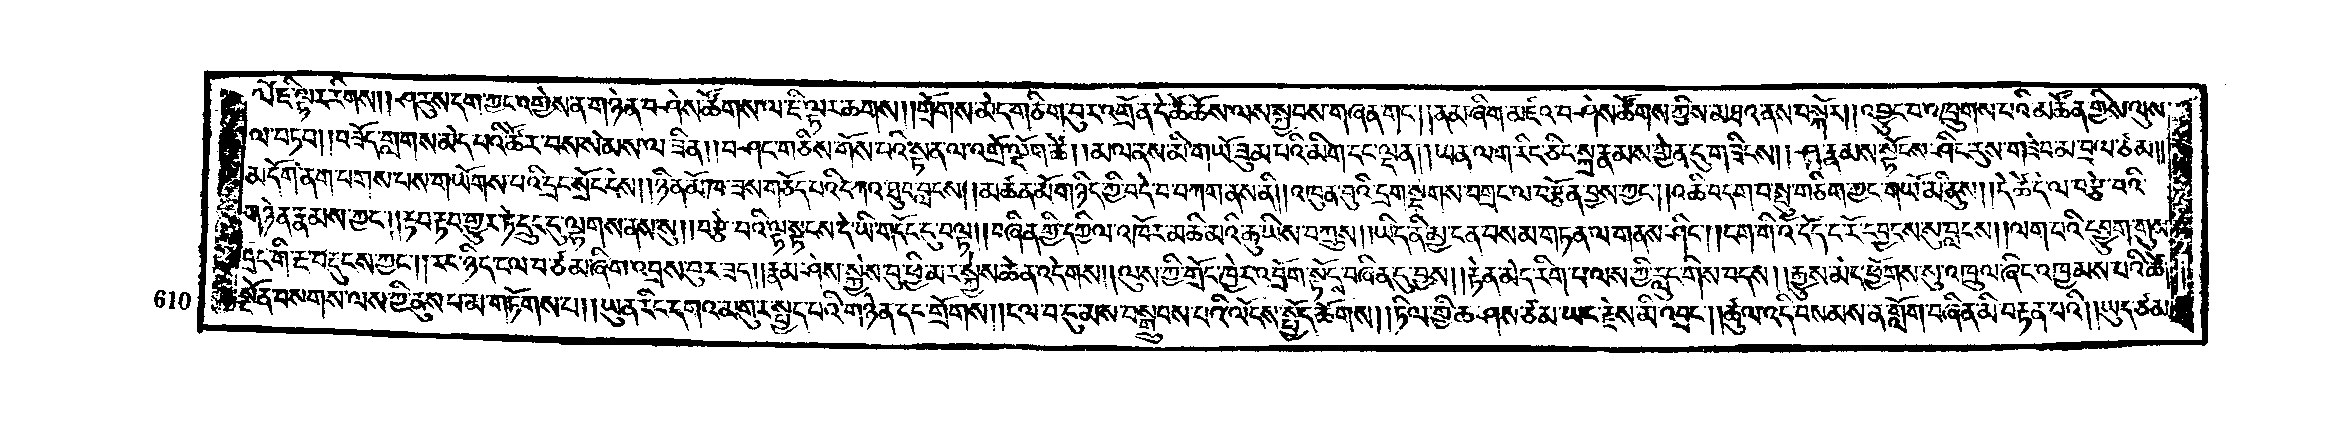ལོ་ཇི་ལྟར་རིགས། །ཤ་རུས་དག་ཀྱང་འགྱེས་ན་གཉེན་བཤེས་ཚོགས་ལ་ཇི་ལྟར་ཆགས། །གྲོགས་མེད་གཅིག་བུར་འགྲོ་ན་དེ་ཚེ་ཆོས་ལས་སྐྱབས་གཞན་གང་། །ནམ་ཞིག་མཛའ་བཤེས་ཚོགས་ཀྱིས་མཐའ་ནས་བསྐོར། །འབྱུང་བ་འཁྲུགས་པའི་མཚོན་གྱིས་ལུས་
ལ་བཏབ། །བཟོད་གླགས་མེད་པའི་ཚོར་བས་སེམས་ལ་ཟིན། །བཤང་གཅིས་གོས་པའི་སྟན་ལ་འགྲེ་ལྡོག་ཚེ། །མལ་ནས་མི་གཡོ་ཟུམ་པའི་མིག་དང་ལྡན། །ཡན་ལག་རིང་ཅིང་སྐྲ་རྣམས་གྱེན་དུ་གཟིངས། །ཤ་རྣམས་སྟོངས་ཤིང་རུས་གཟེབ་མ་བྲལ་ཙམ།།
མདོག་ནག་པགས་པས་གཡོགས་པའི་དྲང་སྲོང་དེས། །ཉིན་མོ་ཁ་ཟས་གཅོད་པའི་དཀའ་ཐུབ་བླངས། །མཚན་མོ་གཉིད་ཀྱི་བདེ་བ་བཀག་ནས་ནི། །འཁུན་བུའི་དྲག་སྔགས་བགྲང་ལ་བརྩོན་བྱས་ཀྱང་། །འཆི་བདག་བ་སྤུ་གཅིག་ཀྱང་གཡོ་མི་ནུས། །དེ་ཚེ་དེ་ལ་བརྩེ་བའི་
གཉེན་རྣམས་ཀྱང་། །རྟབ་རྟབ་གྱུར་ཏེ་དྲུང་དུ་ལྷགས་ནས་སུ། །བརྩེ་བའི་ལྟ་སྟངས་དེ་ཡི་གདོང་དུ་བལྟ། །བཞིན་གྱི་དཀྱིལ་འཁོར་མཆི་མའི་ཆུ་ཡིས་བཀྲུས། །ཡིད་ནི་མྱ་ངན་བསམ་གཏན་ལ་གནས་ཤིང་། །ངག་གི་འོ་དོད་ང་རོ་དབྱངས་སུ་བླངས། །ལག་པའི་དབྱུག་གུས་
བྲང་གི་རྔ་བརྡུངས་ཀྱང་། །རང་ཉིད་ངལ་བ་ཙམ་ཞིག་འབྲས་བུར་ཟད། །རྣམ་ཤེས་སྐྱེས་བུ་ཕྱི་མར་སྐྱེས་ཆེན་འདེགས། །ལུས་ཀྱི་གྲོང་ཁྱེར་འབྲོག་སྟོངས་བཞིན་དུ་བྱས། །རྟེན་མེད་རིག་པ་ལས་ཀྱི་རླུང་གིས་བདས། །རྒྱུས་མེད་ཕྱོགས་སུ་འཁྲུལ་ཞིང་འཁྱམས་པའི་ཚེ།
སྔོན་བསགས་ལས་ཀྱི་ནུས་པ་མ་གཏོགས་པ། །ཡུན་རིང་དགའ་མགུར་སྤྱད་པའི་གཉེན་དང་གྲོགས། །ངལ་བ་དུ་མས་བསྒྲུབས་པའི་ལོངས་སྤྱོད་ཚོགས། །ཏིལ་གྱི་ཆ་ཤས་ཙམ་ཡང་རྗེས་མི་འབྲང་། །ཚུལ་འདི་བསམས་ན་གློག་བཞིན་མི་བརྟན་པའི། །ཡུད་ཙམ་